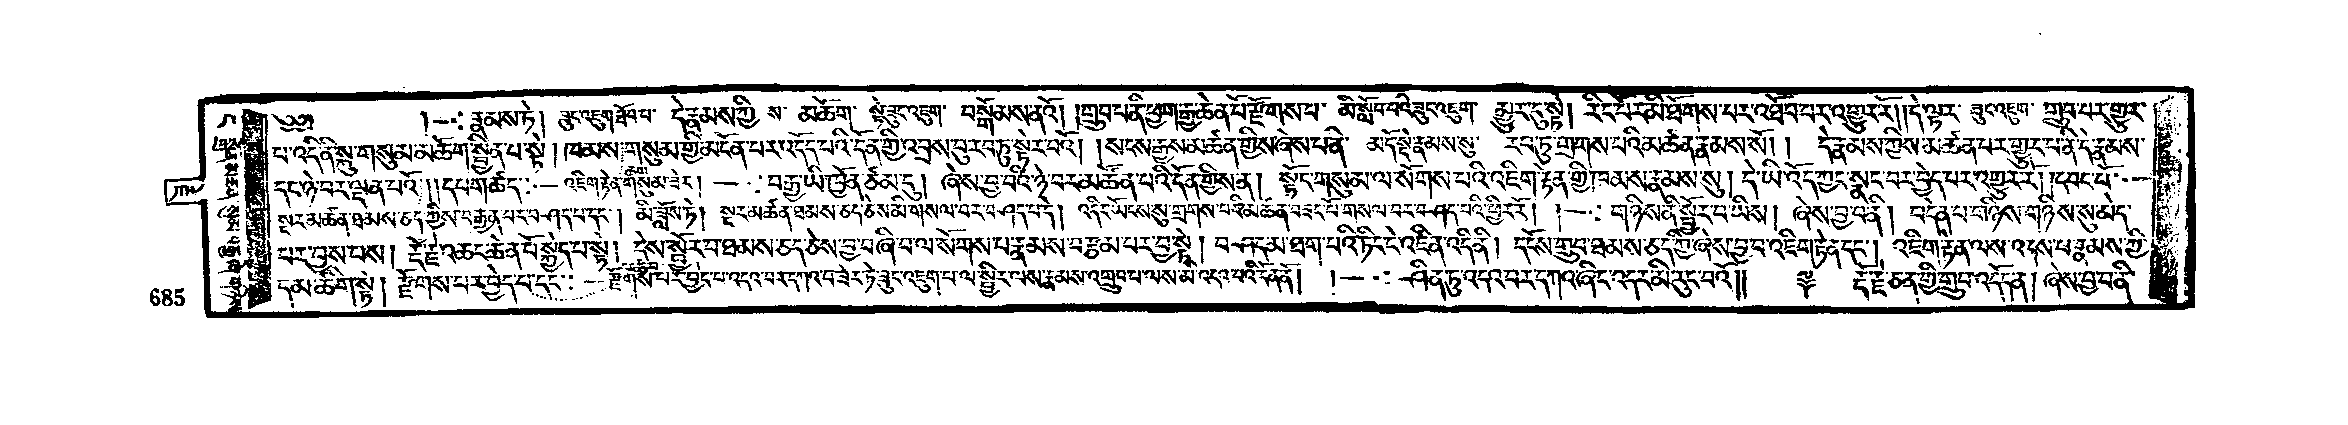༄༅། ། .H རྣམས་ཏེ། ཟུང་འཇུག་ཐོབ་པ་དེ་རྣམས་ཀྱིས་མཆོག་སྟེ་ཟུང་འཇུག་བསྒོམས་ནའོ། །གྲུབ་པ་ནི་ཕྱག་རྒྱ་ཆེན་པོ་རྫོགས་པ་མི་སློབ་པའི་ཟུང་འཇུག་མྱུར་དུ་སྟེ། རིང་པོར་མི་ཐོགས་པར་འཐོབ་པར་འགྱུར་རོ། །དེ་ལྟར་ཟུང་འཇུག་གྲུབ་པར་གྱུར་
པ་འདི་ནི་སྐུ་གསུམ་མཆོག་སྦྱིན་པ་སྟེ། ཁམས་གསུམ་གྱི་མངོན་པར་འདོད་པའི་དོན་གྱི་འབྲས་བུ་རབ་ཏུ་སྟེར་བའོ། །སངས་རྒྱས་མཚན་གྱིས་ཞེས་པ་ནི་མདོ་སྡེ་རྣམས་སུ་རབ་ཏུ་གྲགས་པའི་མཚན་རྣམས་སོ། །དེ་རྣམས་ཀྱིས་མཚན་པར་གྱུར་པ་ནི་དེ་རྣམས་
དང་ཉེ་བར་ལྡན་པའོ། །དཔག་ཚད་H.་འཇིག་རྟེན་ཆག་གསུམ་ཟེར། .H བརྒྱ་ཡི་ཁྱོན་ཙམ་དུ། ཞེས་བྱ་བའི་ཉེ་བར་མཚོན་པའི་དོན་གྱིས་ན། སྟོང་གསུམ་ལ་སོགས་པའི་འཇིག་རྟེན་གྱི་ཁམས་རྣམས་སུ། དེ་ཡི་འོད་ཀྱང་སྣང་བར་བྱེད་པར་འགྱུར་རོ། །དབང་པོ་H.
སྔར་མཚན་ཐམས་ཅད་ཀྱིས་བརྒྱན་པར་བཤད་པ་དང་། མི་ཟློས་ཏེ། སྔར་མཚན་ཐམས་ཅད་ཅེས་མི་གསལ་བར་བཤད་པ་དེ། འདིར་ཡོངས་སུ་གྲགས་པའི་མཚན་བཟང་པོ་གསལ་བར་བཤད་པའི་ཕྱིར་རོ། ། .H གཉིས་ནི་སྦྱོར་བ་ཡིས། ཞེས་བྱ་བ་ནི། བདེན་པ་གཉིས་གཉིས་སུ་མེད་
པར་བྱས་པས། རྡོ་རྗེ་འཆང་ཆེན་པོ་སྐྱེད་པ་སྟེ། དེས་སྦྱོར་བ་ཐམས་ཅད་ཅེས་བྱ་བ་ཞི་བ་ལ་སོགས་པ་རྣམས་བརྩམ་པར་བྱ་སྟེ། བཤད་མ་ཐག་པའི་ཏིང་ངེ་འཛིན་འདི་ནི། དངོས་གྲུབ་ཐམས་ཅད་ཀྱི་ཞེས་བྱ་བ་འཇིག་རྟེན་དང་། འཇིག་རྟེན་ལས་འདས་པ་རྣམས་ཀྱི་
དམ་ཚིག་སྟེ། རྫོགས་པར་བྱེད་པ་དང་H.་པ་ཚབ་རྫོགས་པར་བྱེད་པ་འདའ་བར་དཀའ་བ་ཟེར་ཏེ་ཟུང་འཇུག་པ་ལ་སྤྱིར་ལས་རྣམས་འགྲུབ་པ་ལས་མི་འདའ་བའི་དོན་ནོ། ། .H ཤིན་ཏུ་འདའ་བར་དཀའ་ཞིང་འདར་མི་རུང་བའོ།། ༈ རྡོ་རྗེ་ཅན་གྱི་གྲུབ་འདོད་ན། ཞེས་བྱ་བ་ནི་